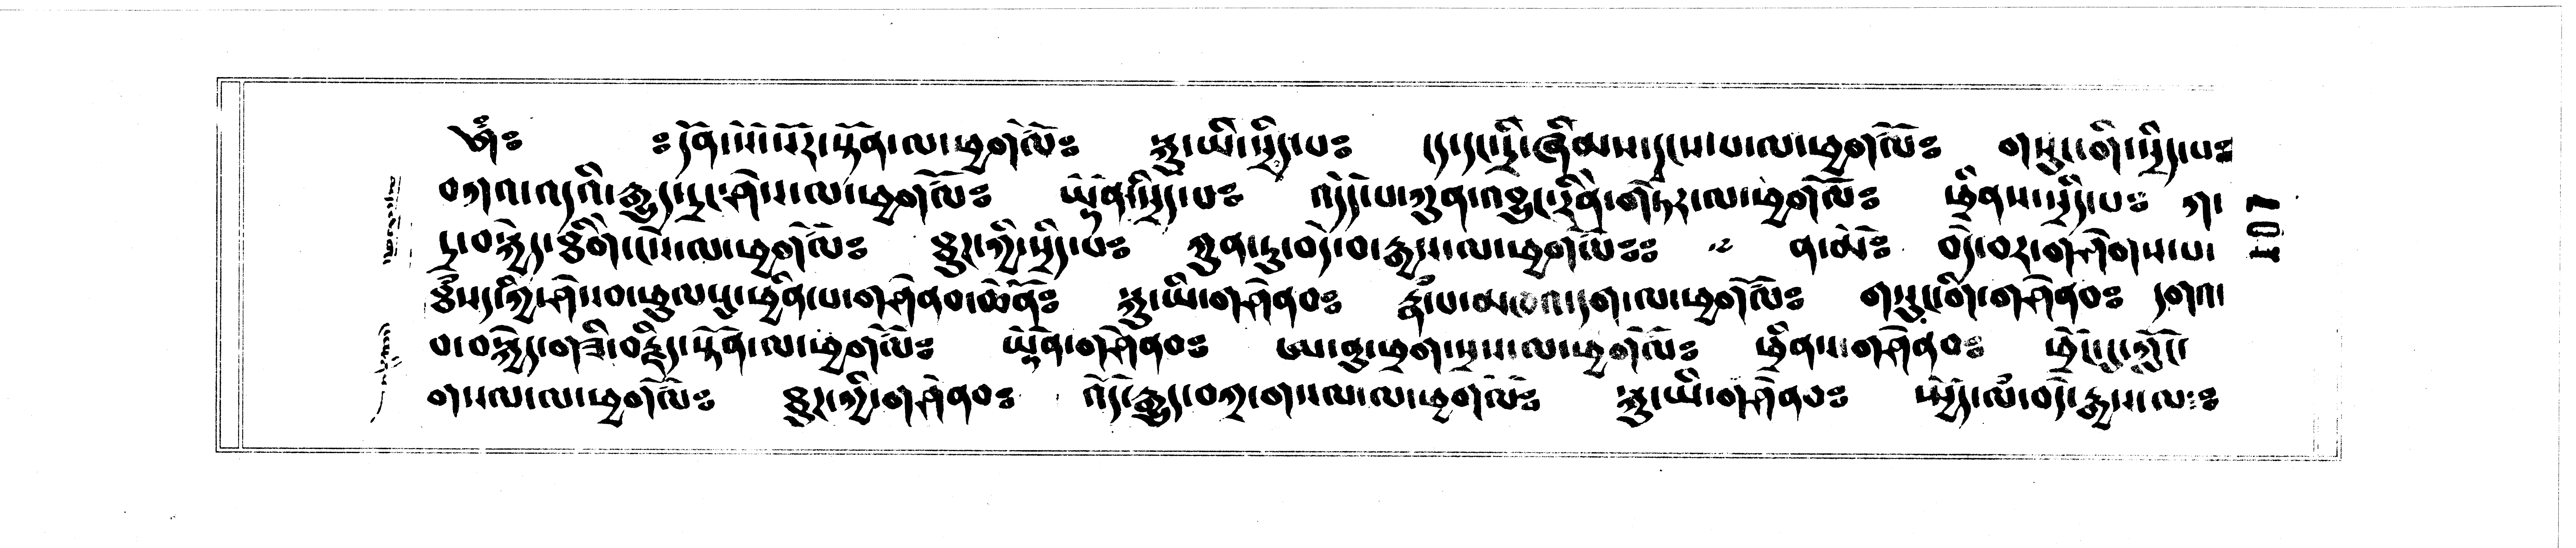དོན་སོ་སོར་སྟོན་ལ་ཕྱག་འཚལ་ལོཿ སྐུ་ཡི་སྲིད་པཿ ངད་དང་དྲི་ཞིམ་དང་པ་ལ་ཕྱག་འཚལ་ལོཿ གསུང་གི་སྲིད་པཿ 
བཀའ་འདའི་རྒྱུད་དྲང་ཤེས་ལ་ཕྱག་འཚལ་ལོཿ ཡོན་ཏན་གྱི་སྲིད་པཿ འདོད་པ་ཀུན་འབྱུང་རིན་ཆེན་གྱི་གཏེར་ལ་ཕྱག་འཚལ་ལོཿ ཕྲིན་ལས་ཀྱི་སྲིད་པཿ ཀ་
དྲ་སྐྱེད་ཐིག་ལེ་ངེས་ལ་ཕྱག་འཚལ་ལོཿ ཐུགས་ཀྱི་སྲིད་པཿ ཀུན་ཏུ་བདེ་བ་རྒྱས་ལ་ཕྱག་འཚལ་ལོཿ ན་མོ་བདེ་བར་གཤེགས་པ་
ཐམས་ཅད་ཀྱི་ཤེས་རབ་ཕུལ་ཏུ་ཕྱིན་པའི་གཤེན་རབ་ཆེན་པོཿ སྐུ་ཡི་གཤེན་རབཿ རྣམ་པར་མཁའ་དག་ལ་ཕྱག་འཚལ་ལོཿ གསུང་གི་གཤེན་རབཿ དགའ་
བ་བསྐྱེད་གཟི་བརྗིད་སྟོན་ལ་ཕྱག་འཚལ་ལོཿ ཡོན་ཏན་གྱི་གཤེན་རབཿ ཨ་ནུ་ཕྲག་སྲས་ལ་ཕྱག་འཚལ་ལོཿ ཕྲིན་ལས་ཀྱི་གཤེན་རབཿ ཕོ་བྲང་དུ་ཀློང་
གསལ་ལ་ཕྱག་འཚལ་ལོཿ ཐུགས་ཀྱི་གཤེན་རབཿ འོད་རྒྱུད་བཀྲ་གསལ་ལ་ཕྱག་འཚལ་ལོཿ སྐུ་ཡི་གཤེན་རབཿ སྤྱོད་ལམ་བདེ་རྒྱས་ལ་ཕྱག་འཚལ་ལོཿ གསུང་གི་གཤེན་རབཿ